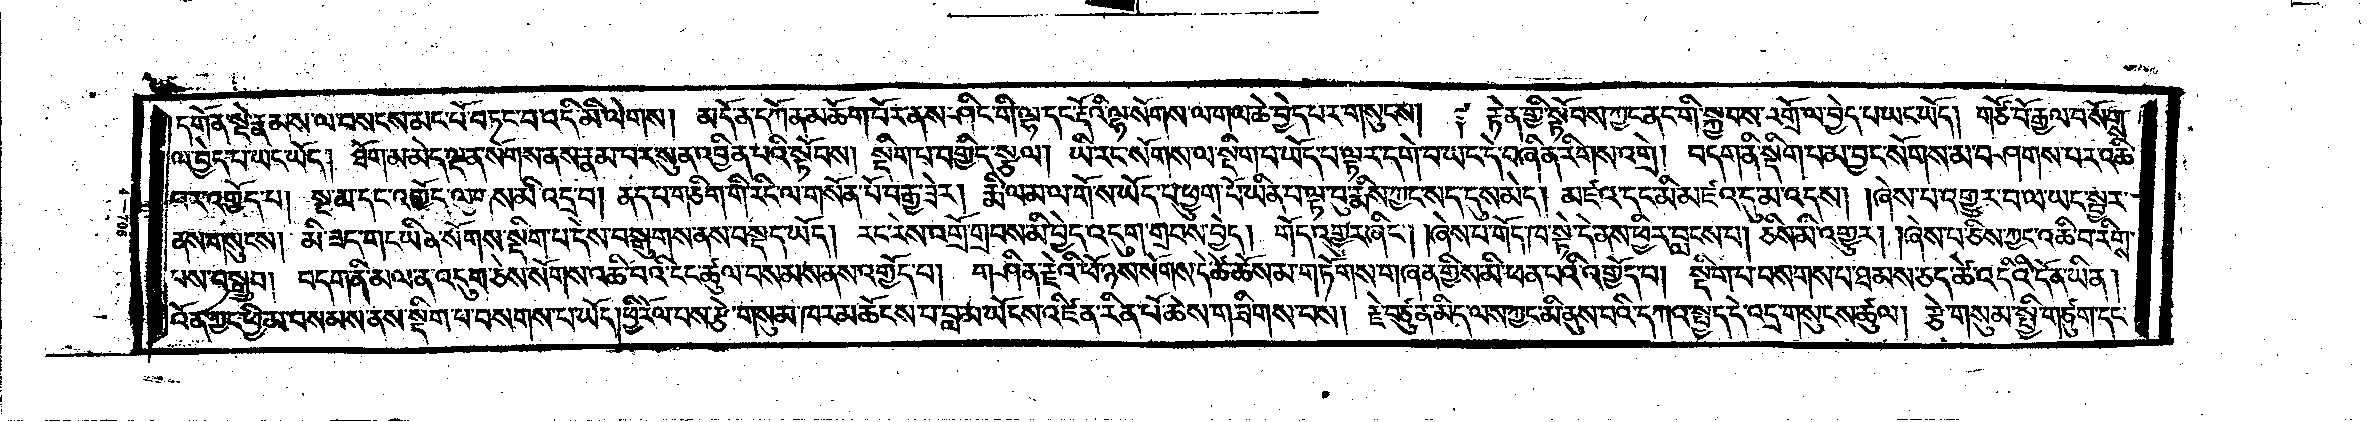དགོན་སྡེ་རྣམས་ལ་བསངས་མང་པོ་བཏང་བ་འདི་མི་ལེགས། མདོ་ན་དཀོན་མཆོག་བོར་ནས་ཤིང་གི་ལྷ་དང་རྡོའི་ལྷ་སོགས་ལ་གལ་ཆེ་བྱེད་པར་གསུངས། ༈ རྟེན་གྱི་སྟོབས་ཀྱང་ནང་གི་སྐྱབས་འགྲོ་ལ་བྱེད་པ་ཡང་ཡོད། གཙོ་བོ་རྒྱལ་བ་སོགས་
ལ་བྱེད་པ་ཡང་ཡོད། ཐོག་མ་མེད་ལྡན་སོགས་ནས་རྣམ་པར་སུན་འབྱིན་པའི་སྟོབས། སྡིག་པ་བགྱིད་སྩལ། ཡི་རང་སོགས་ལ་སྡིག་པ་ཡོད་པ་ལྟར་དགེ་བ་ཡང་དེ་བཞིན་རིགས་འགྲེ། བདག་ནི་སྡིག་པ་མ་བྱང་སོགས་མ་བཤགས་པར་འཆི་
བར་འགྱོད་པ། སྔ་མ་དང་འགྱོད་ལུགས་མི་འདྲ་བ། ནད་པ་གཅིག་གི་རིང་ལ་གསོན་པོ་བརྒྱ་ཟེར། རྨི་ལམ་ལ་གོ་ས་ཡོད་པ་ཕྱུག་པོ་ཡིན་པ་ལྟ་བུ་རྨིས་ཀྱང་སད་དུས་མེད། མཛའ་དང་མི་མཛའ་དུ་མ་འདས། །ཞེས་པ་འགྱུར་བ་ལ་ཡང་སྦྱར་
ནས་གསུངས། མི་ཟད་གང་ཡིན་སོགས་སྡིག་པ་དེས་བསྒུགས་ནས་བསྡད་ཡོད། རང་རེས་འགྲོ་གྲབས་མི་བྱེད་འདུག་གྲབས་བྱེད། གོད་འགྱུར་ཞིང་། །ཞེས་པ་གོད་ཁ་སྟེ་དེ་ནས་ཕྱིར་བླངས་པ། ཅིས་མི་འགྱུར། །ཞེས་པ་ཅིས་ཀྱང་འཆི་བ་རིགས་
པས་བསྒྲུབ། བདག་ནི་མལ་ན་འདུག་ཅེས་སོགས་འཆི་བའི་ངང་ཚུལ་བསམས་ནས་འགྱོད་པ། གཤིན་རྗེའི་ཕོ་ཉས་སོགས་དེ་ཚེ་ཆོས་མ་གཏོགས་གཞན་གྱིས་མི་ཕན་པའི་འགྱོད་པ། སྡིག་པ་བསགས་པ་ཐམས་ཅད་ཚེ་འདིའི་དོན་ཡིན།
འོན་ཀྱང་ཕྱི་མ་བསམས་ནས་སྡིག་པ་བསགས་པ་ཡོད་།ཕྱི་རོལ་པས་རྩེ་གསུམ་ཁར་མཆོངས་པ་བླ་མ་ཡོངས་འཛིན་རིན་པོ་ཆེས་གཟིགས་པས། རྗེ་བཙུན་མིད་ལས་ཀྱང་མི་ནུས་པའི་དཀའ་སྤྱད་དེ་འདྲ་གསུངས་ཚུལ། རྩེ་གསུམ་སྤྱི་གཙུག་དང་